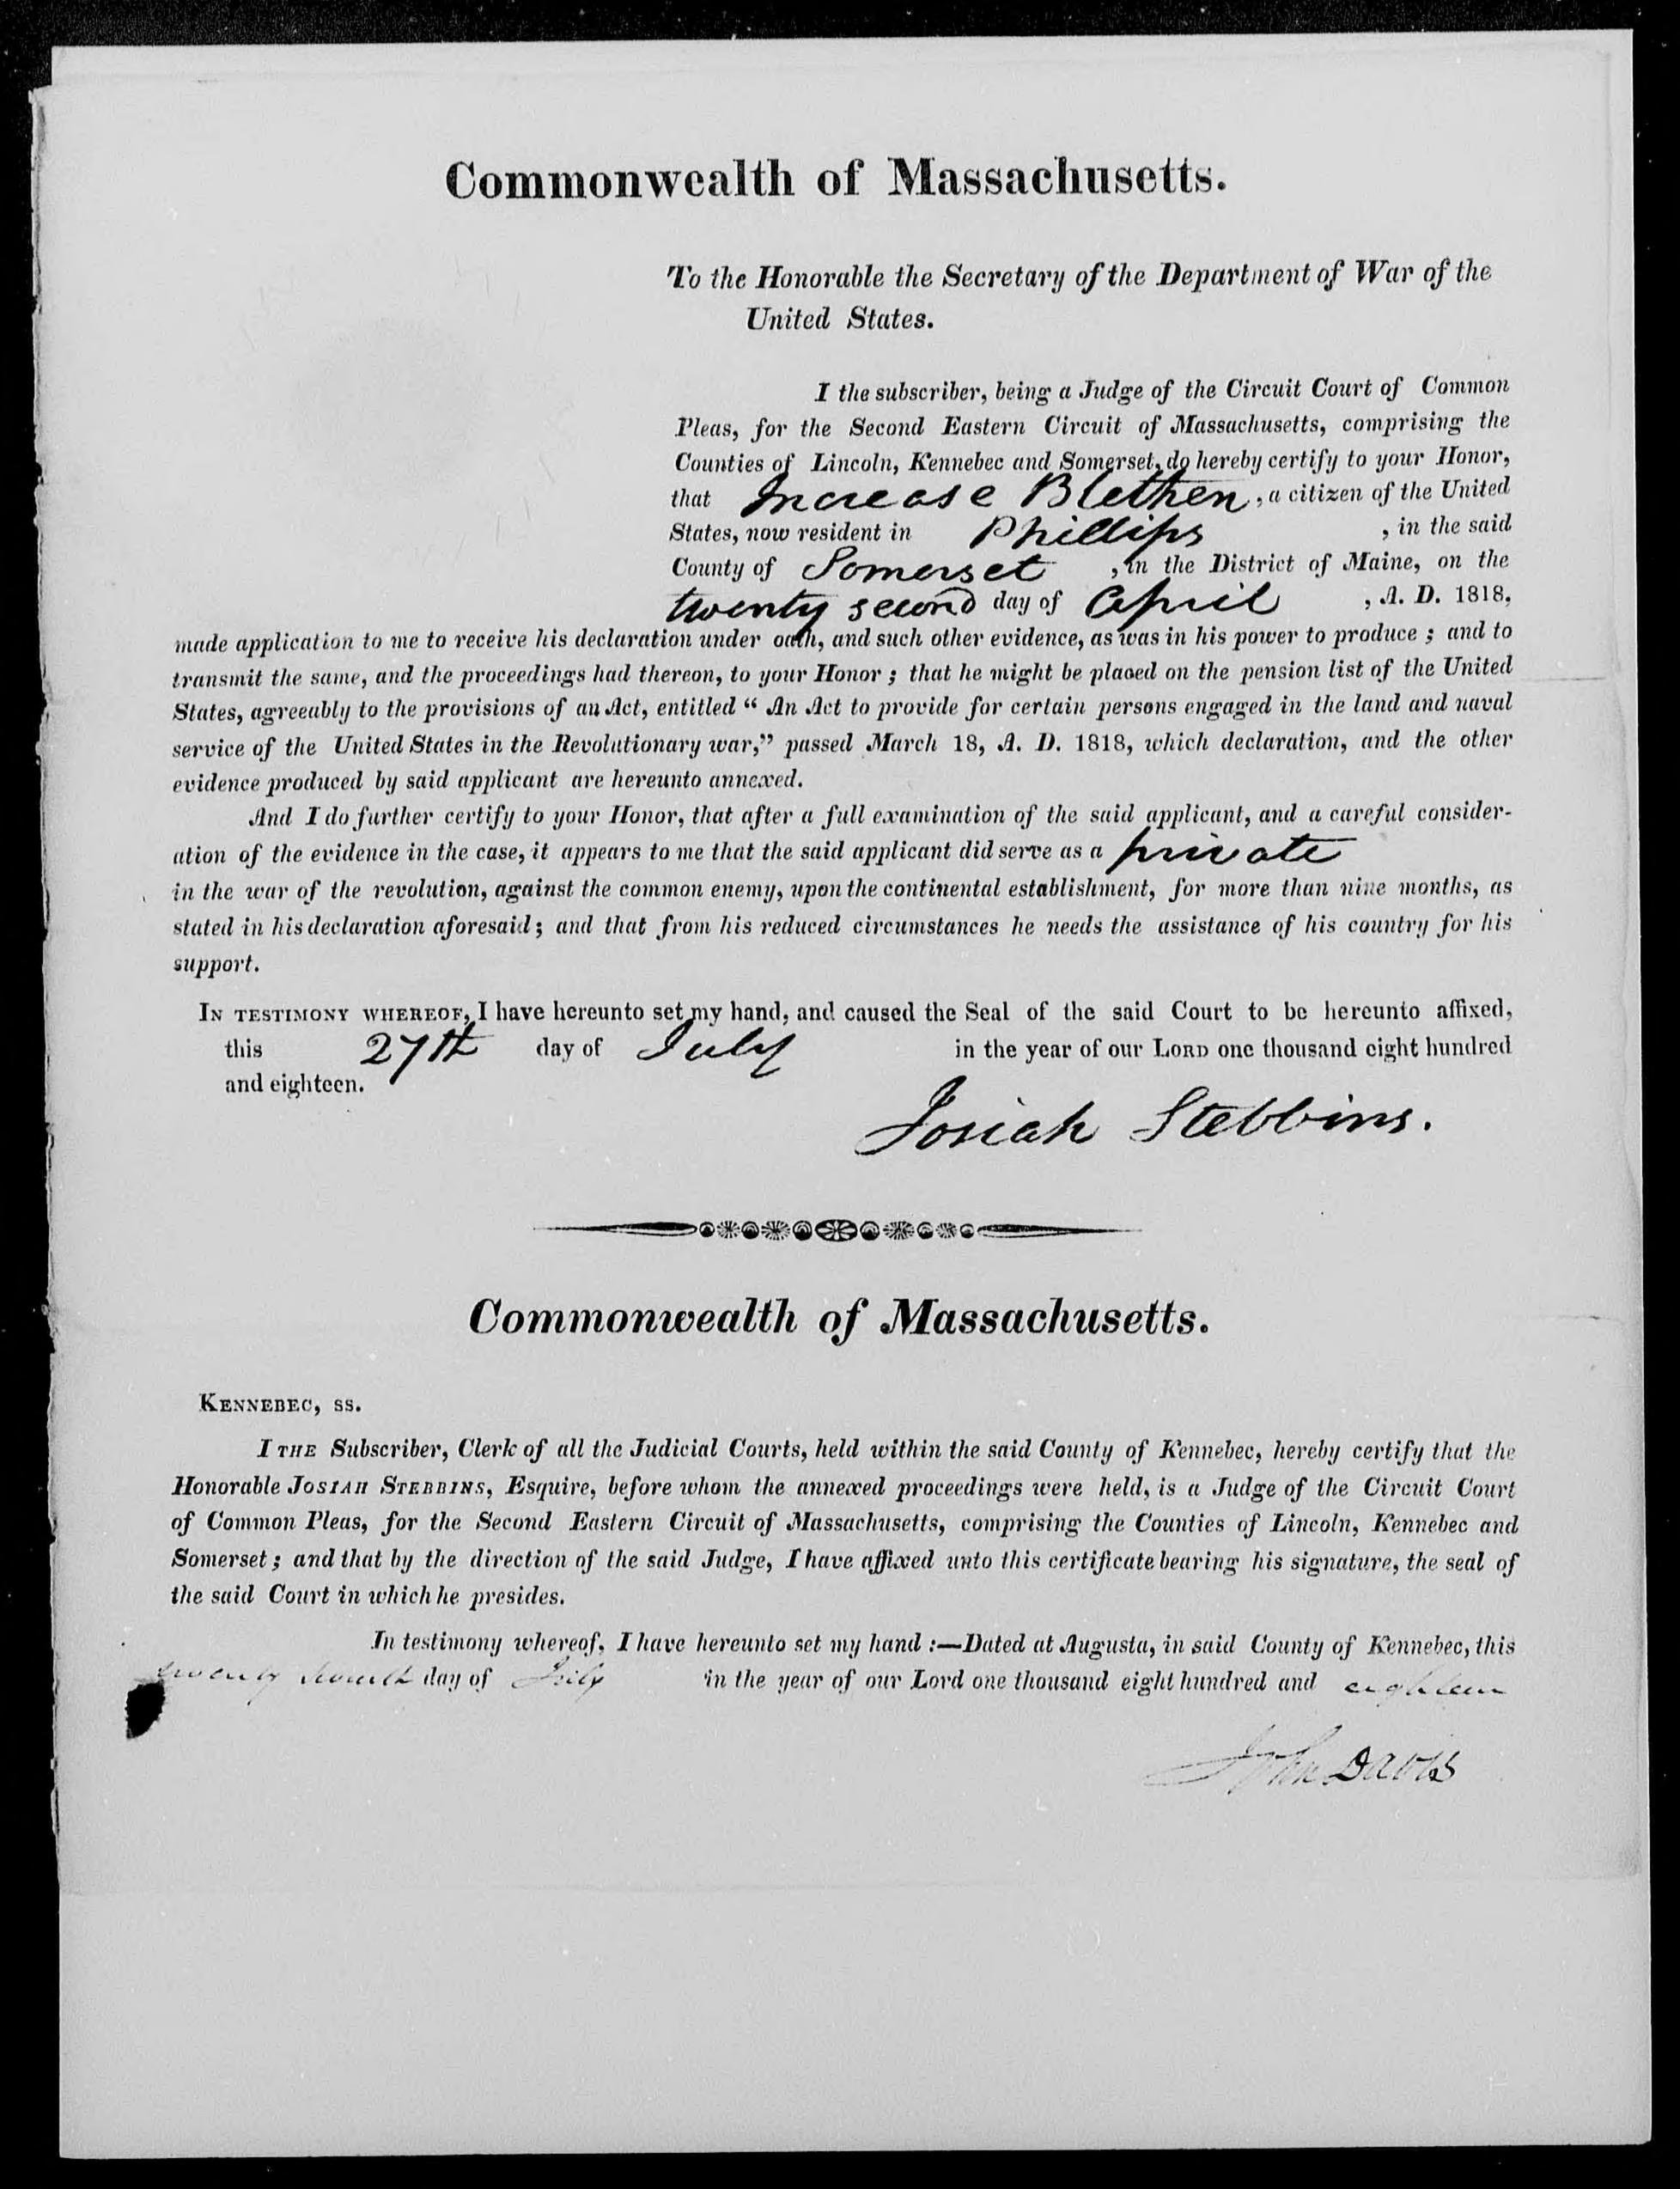Commonwealth of Massachusetts.
To the Honorable the Secretary of the Department of War of the
United States.

I the subscriber, being a Judge of the Circuit Court of Common
Pleas, for the Second Eastern Circuit of Massachusetts, comprising the 
Counties of Lincoln, Kennebec and Somerset, do hereby certify to your Honor,
that Increase Blethen, a citizen of the United
States, now resident in Phillips, in the said
County of Somerset, in the District of Maine, on the 
Twenty second day of April, A. D. 1818,
made application to me to receive his declaration under oath, and such other evidence, as was in his power to produce; and
transmit the same, and the proceedings had thereon, to your Honor; that he might be placed on the pension list of the United
States, agreeably to the provisions of an Act, entitled "An Act to provide for certain persons engaged in the land and naval
service of the United States in the Revolutionary war," passed March 18, A. D. 1818, which declaration, and the other
evidence produced by said applicant are hereunto annexed.
And I do further certify to your Honor, that after a full examination of the said applicant, and a careful consideration
of the evidence in the case, it appears to me that the said applicant did serve as a private
in the war of the revolution, against the common enemy, upon the continental establishment, for more than nine months, as
stated in his declaration aforesaid; and that from is reduced circumstances he needs the assistance of is country for his
support.
IN TESTIMONY WHEREBY, I have hereunto set my hand, and caused the Seal of the said Court to be hereunto affixed,
this 27th day of July in the year of our LORD one thousand eight hundred
and eighteen.
Josiah Stebbins.

Commonwealth of Massachusetts.

KENNEBEC, ss.
I the Subscriber, Clerk of all the Judicial Courts, held within the said County of Kennebec, hereby certify that the
Honorable Josiah Stebbins, Esquire, before whom the annexed proceedings were held, is a Judge of the Circuit Court
of Common Pleas, for the Second Eastern Circuit of Massachusetts, comprising the Counties of Lincoln, Kennebec and
Somerset; and that by the direction of the said Judge, I have affixed unto this certificate bearing is signature, the seal of
the said Court tin which he presides.
In testimony whereof, I have hereunto set my hand"--Dated at Augusta, in said County of Kennebec, this
twenty seventh day of July in the year of our Lord one thousand eight hundred and eighteen
John Davis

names: Josiah Stebbins, Increase Blethen, Josiah Stebbins, John Davis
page: 20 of 39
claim: widow's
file: W. 23,621, Increase Blethen, Mass.